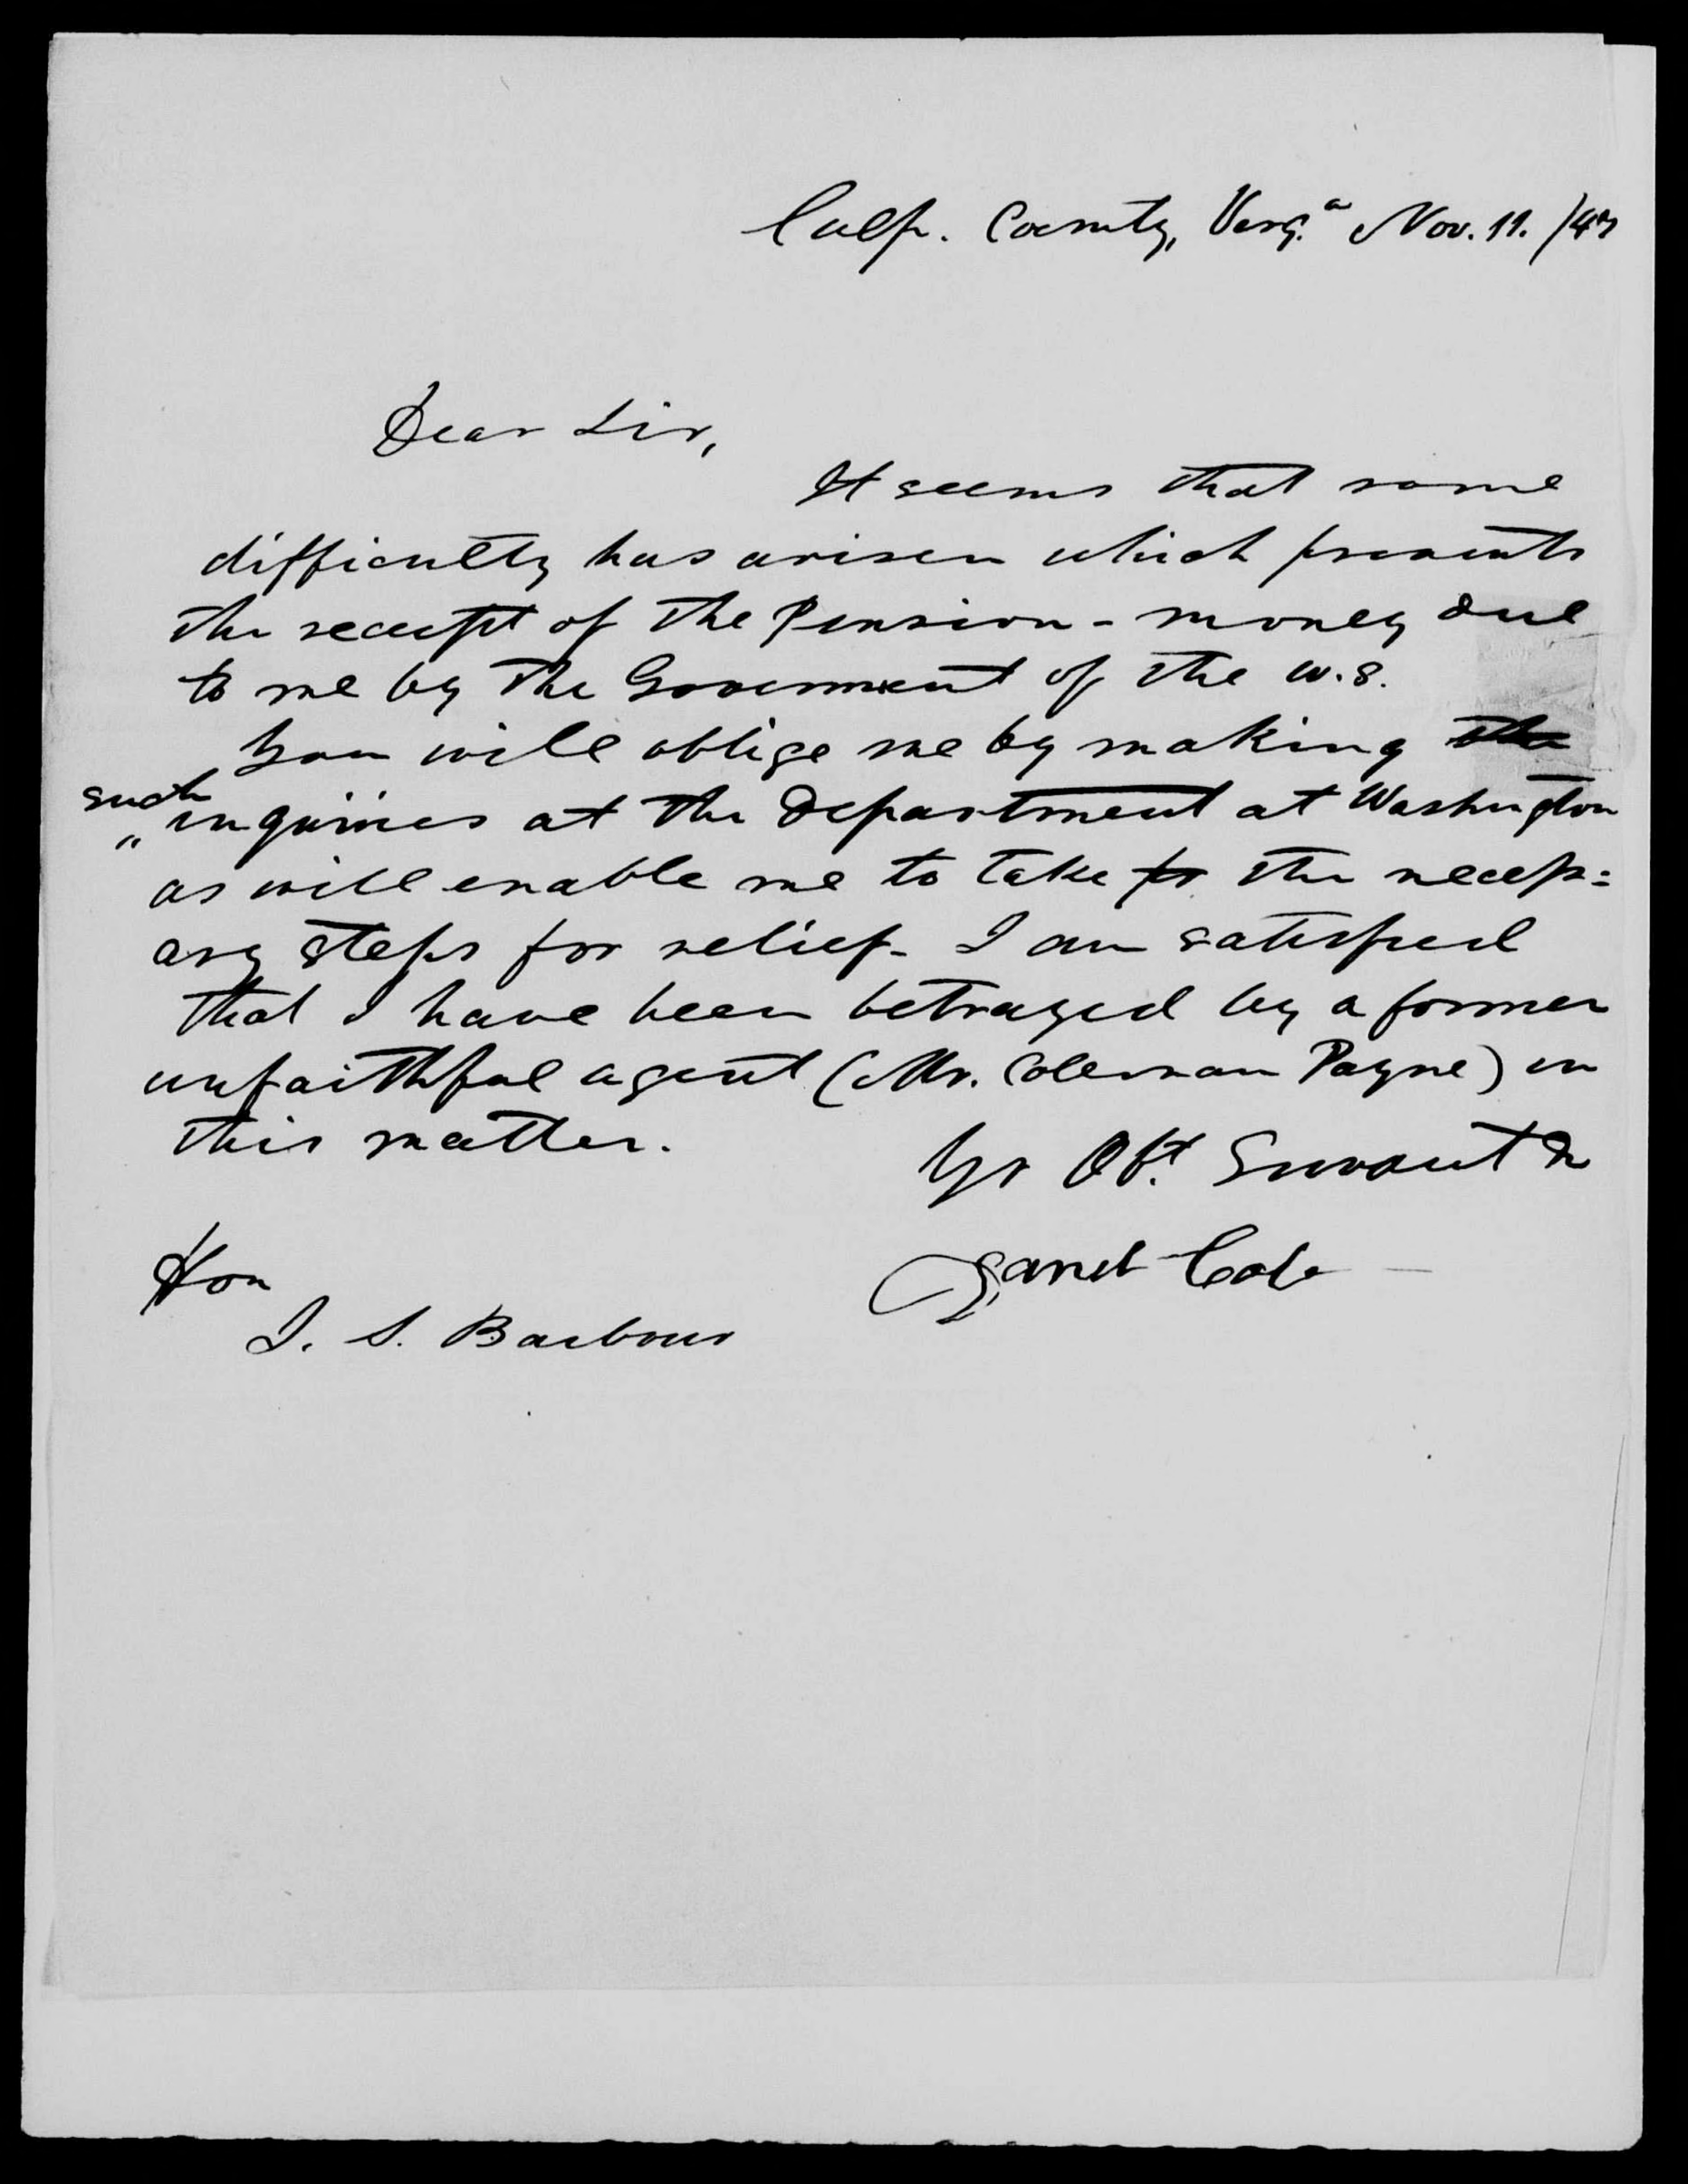Culp. [Culpepper] County Virg. Nov. 11. /47

Dear Sir,
It seems that some difficulty has arisen which prevents the receipt of the Pension-money due to me by the Government of the U.S. 
You will oblige me by making the [crossed out] such inquiries at the Department at Washington as will enable me to take for the necessary steps for relief. I am satisfied that I have been betrayed by a former unfaithful agent (Mr. Coleman Payne) in this matter.

Yr. [Your] Obt. [Obedient]  Servant
Daniel Cole  

Hon
J. S. Barbour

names: J S Barbour, Coleman Payne, Danel Cole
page: 39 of 61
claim: survivor's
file: S. 8236, Daniel Cole, Va.